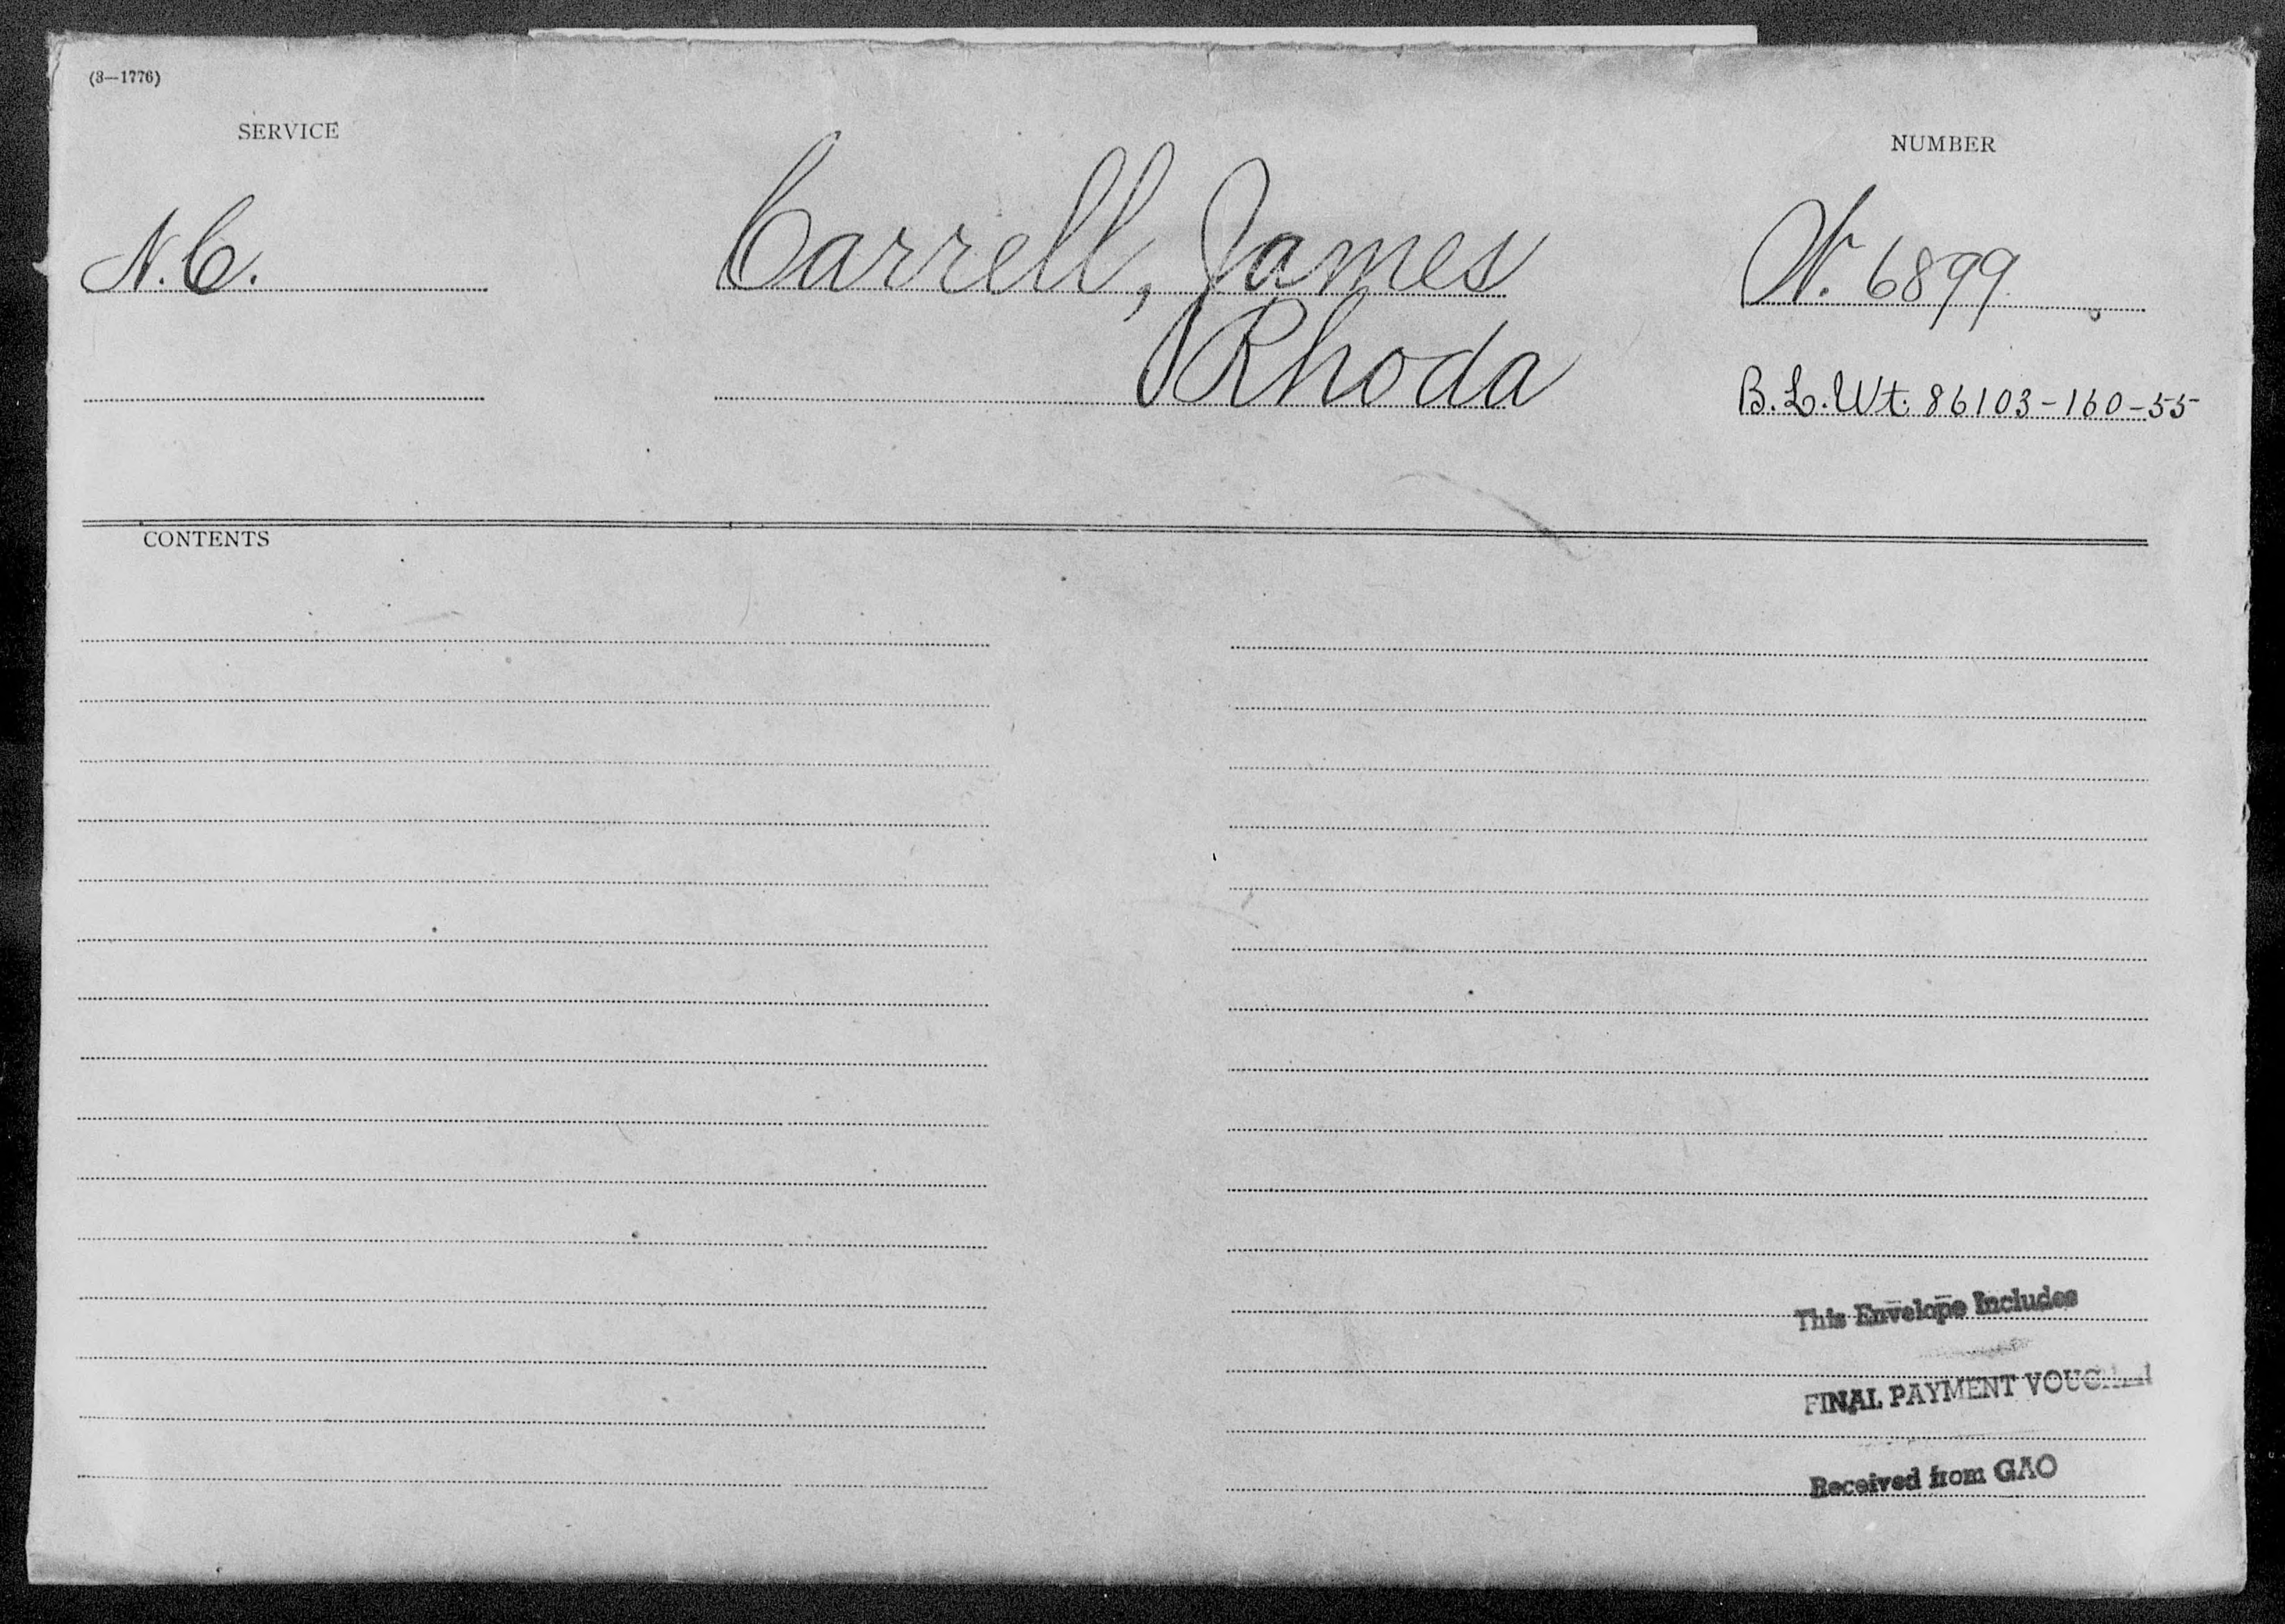(3 - 1776)

                    SERVICE                                                                                                         NUMBER

N.C.                                                       Carrell, James.                                        W.6899            
                                                                            Rhoda                                         B.L. Wt.  86103-160-55


CONTENTS



                                                                                                                  This Envelope includes
                                                                                                                   FINAL PAYMENT VOUC[er]
                                                                                                                   Received from GAO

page: 1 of 86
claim: widow's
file: W. 6899, James Carrell, N.C.